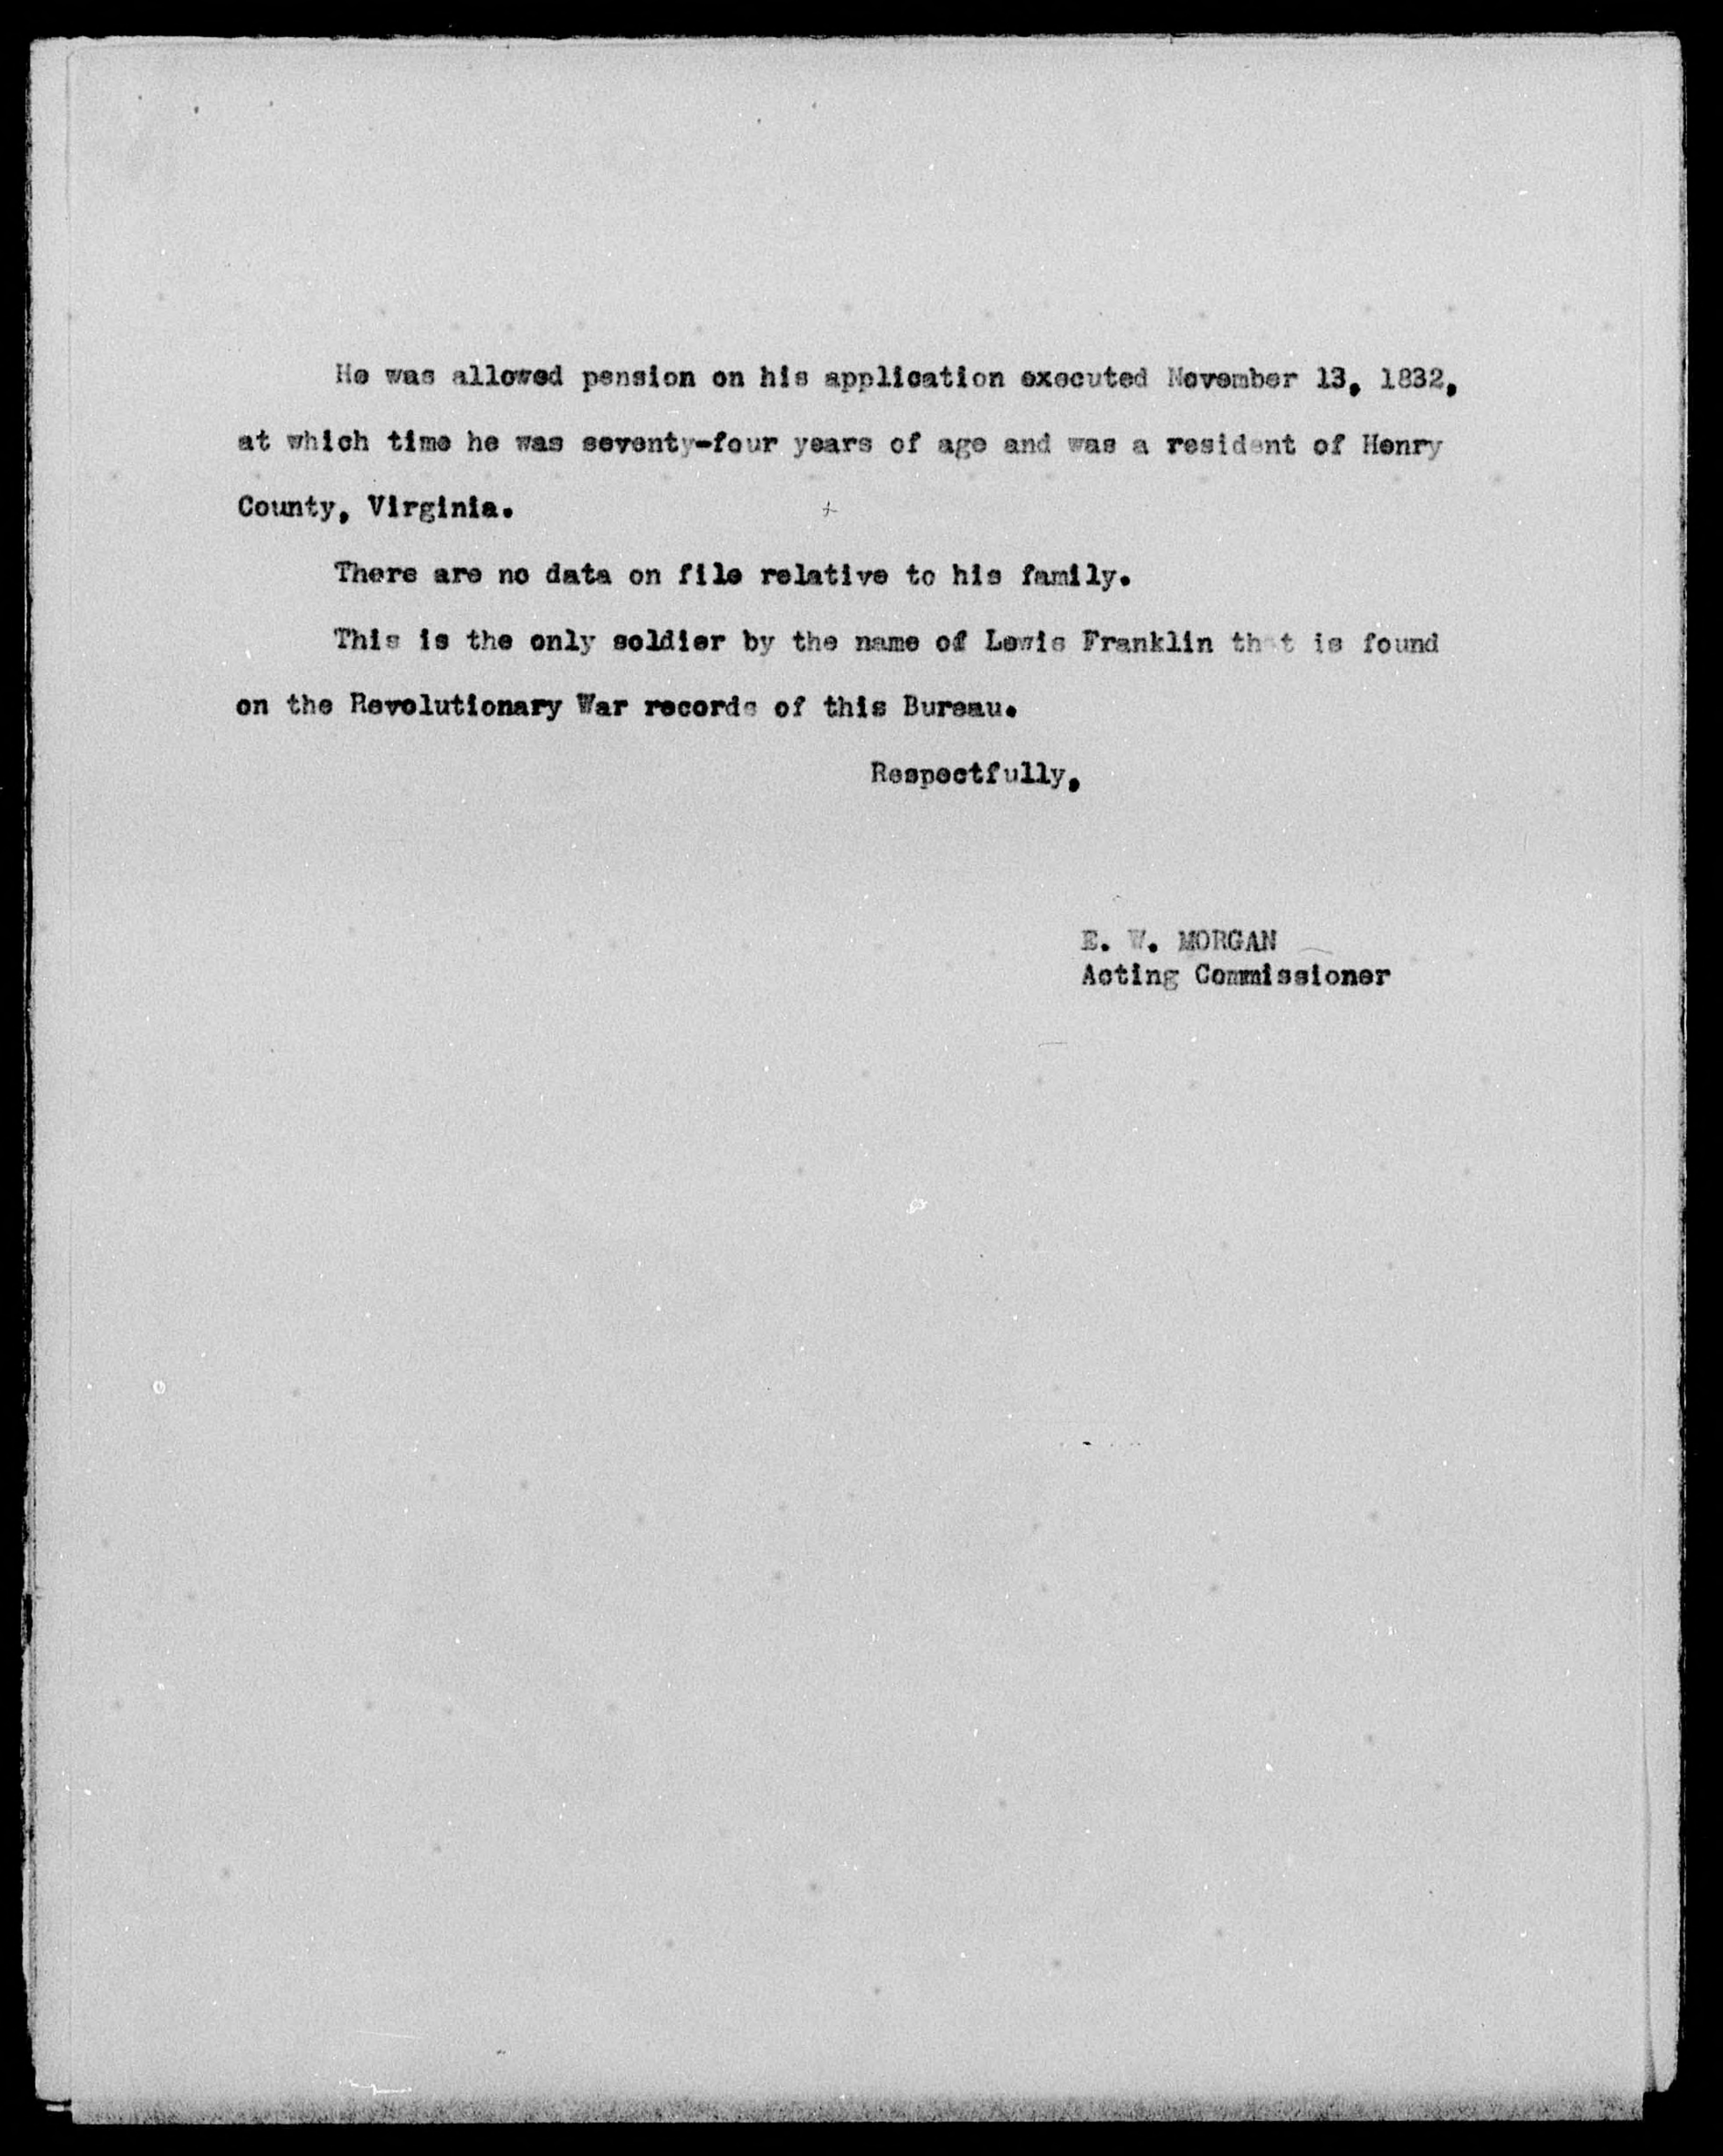He was allowed pension on his application executed November 13, 1832, at which time he was seventy-four years of age and was a resident of Henry County, Virginia. 
There are no data on file relative to his family. 
This is the only soldier by the name of Lewis Franklin that is found on the Revolutionary War records of this Bureau. 
Respectfully, 
E. W. MORGAN
Acting Commissioner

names: Lewis Franklin, E W Morgan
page: 20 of 20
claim: survivor's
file: S. 8519, Lewis Franklin, N.C. Va.